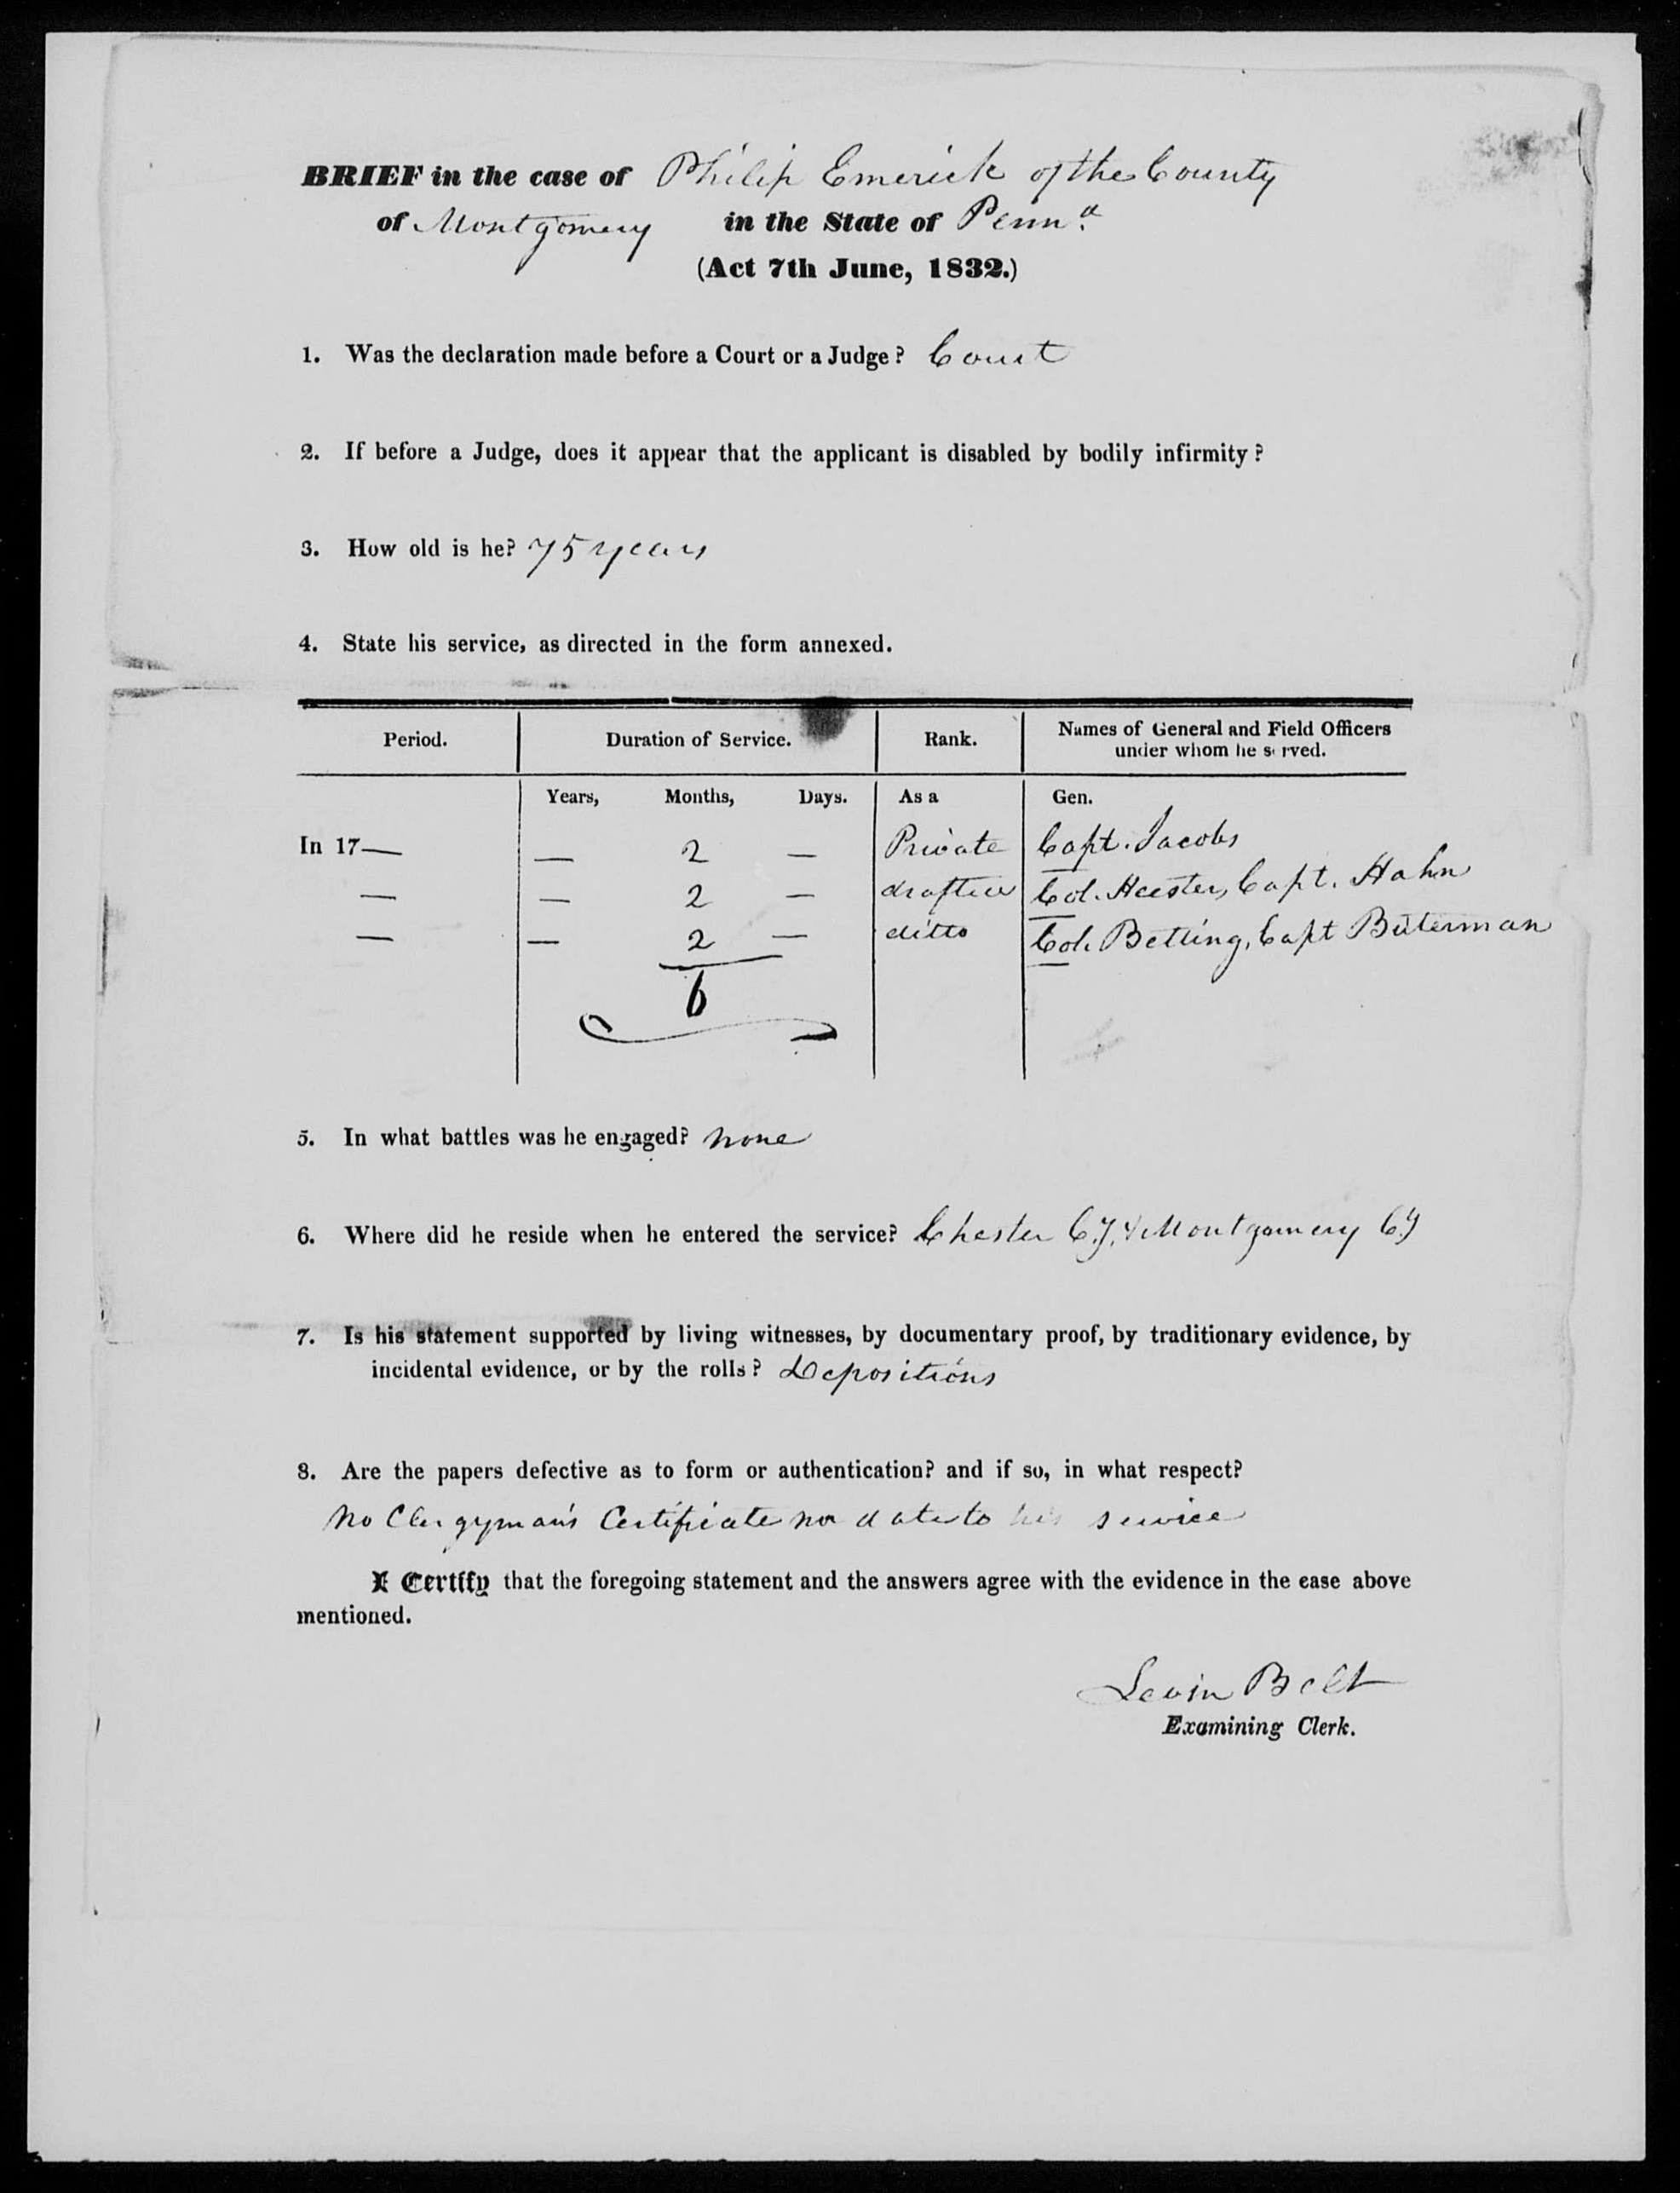BRIEF in the case of Philip Emerick of the County of Montgomery in the State of Penna.
(Act 7th June, 1832.)
1. Was the declaration made before a Court or a Judge? Court
2. If before a Judge, does it appear that the applicant is disabled by bodily infirmity?
3. How old is he? 75 years
4. State his service, as directed in the form annexed.

Period: In 17- 
Duration of Service.: Months, 2 
Rank: As a Private
Names of General and Field Officers
under whom he served: Gen: Capt. Jacobs

Period: In 17- 
Duration of Service.: Months, 2 
Rank: As a drafted
Names of General and Field Officers
under whom he served: Gen: Col. Heister, Capt. Hahn

Period: In 17- 
Duration of Service.: Months, 2 
Rank: As a ditto [drafted]
Names of General and Field Officers
under whom he served: Gen: Col. Betting [Bitting], Capt. 
Beiterman [Beiteman]

5. In what battles was he engaged? None

6. Where did he reside when he entered the service? Chester  C.Y. & Montgomery C.Y.

7. Is his statement supported by living witnesses, by documentary proof, by traditionary evidence, by
incidental evidence, or by the rolls? Depositions

8. Are the papers defective as to form or authentication? and if so, in what respect?
no Clergyman's Certificate nor dates to his service
xCertify that the foregoing statement and the answers agree with the evidence in the case above mentioned.
Levin Belt
Examining Clerk.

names: Betterman, Heester, Betting, Philip Emerick, Hahn, Levin Belt, Jacobs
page: 16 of 29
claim: survivor's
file: S. 23618, Philip Emerick, Penn.